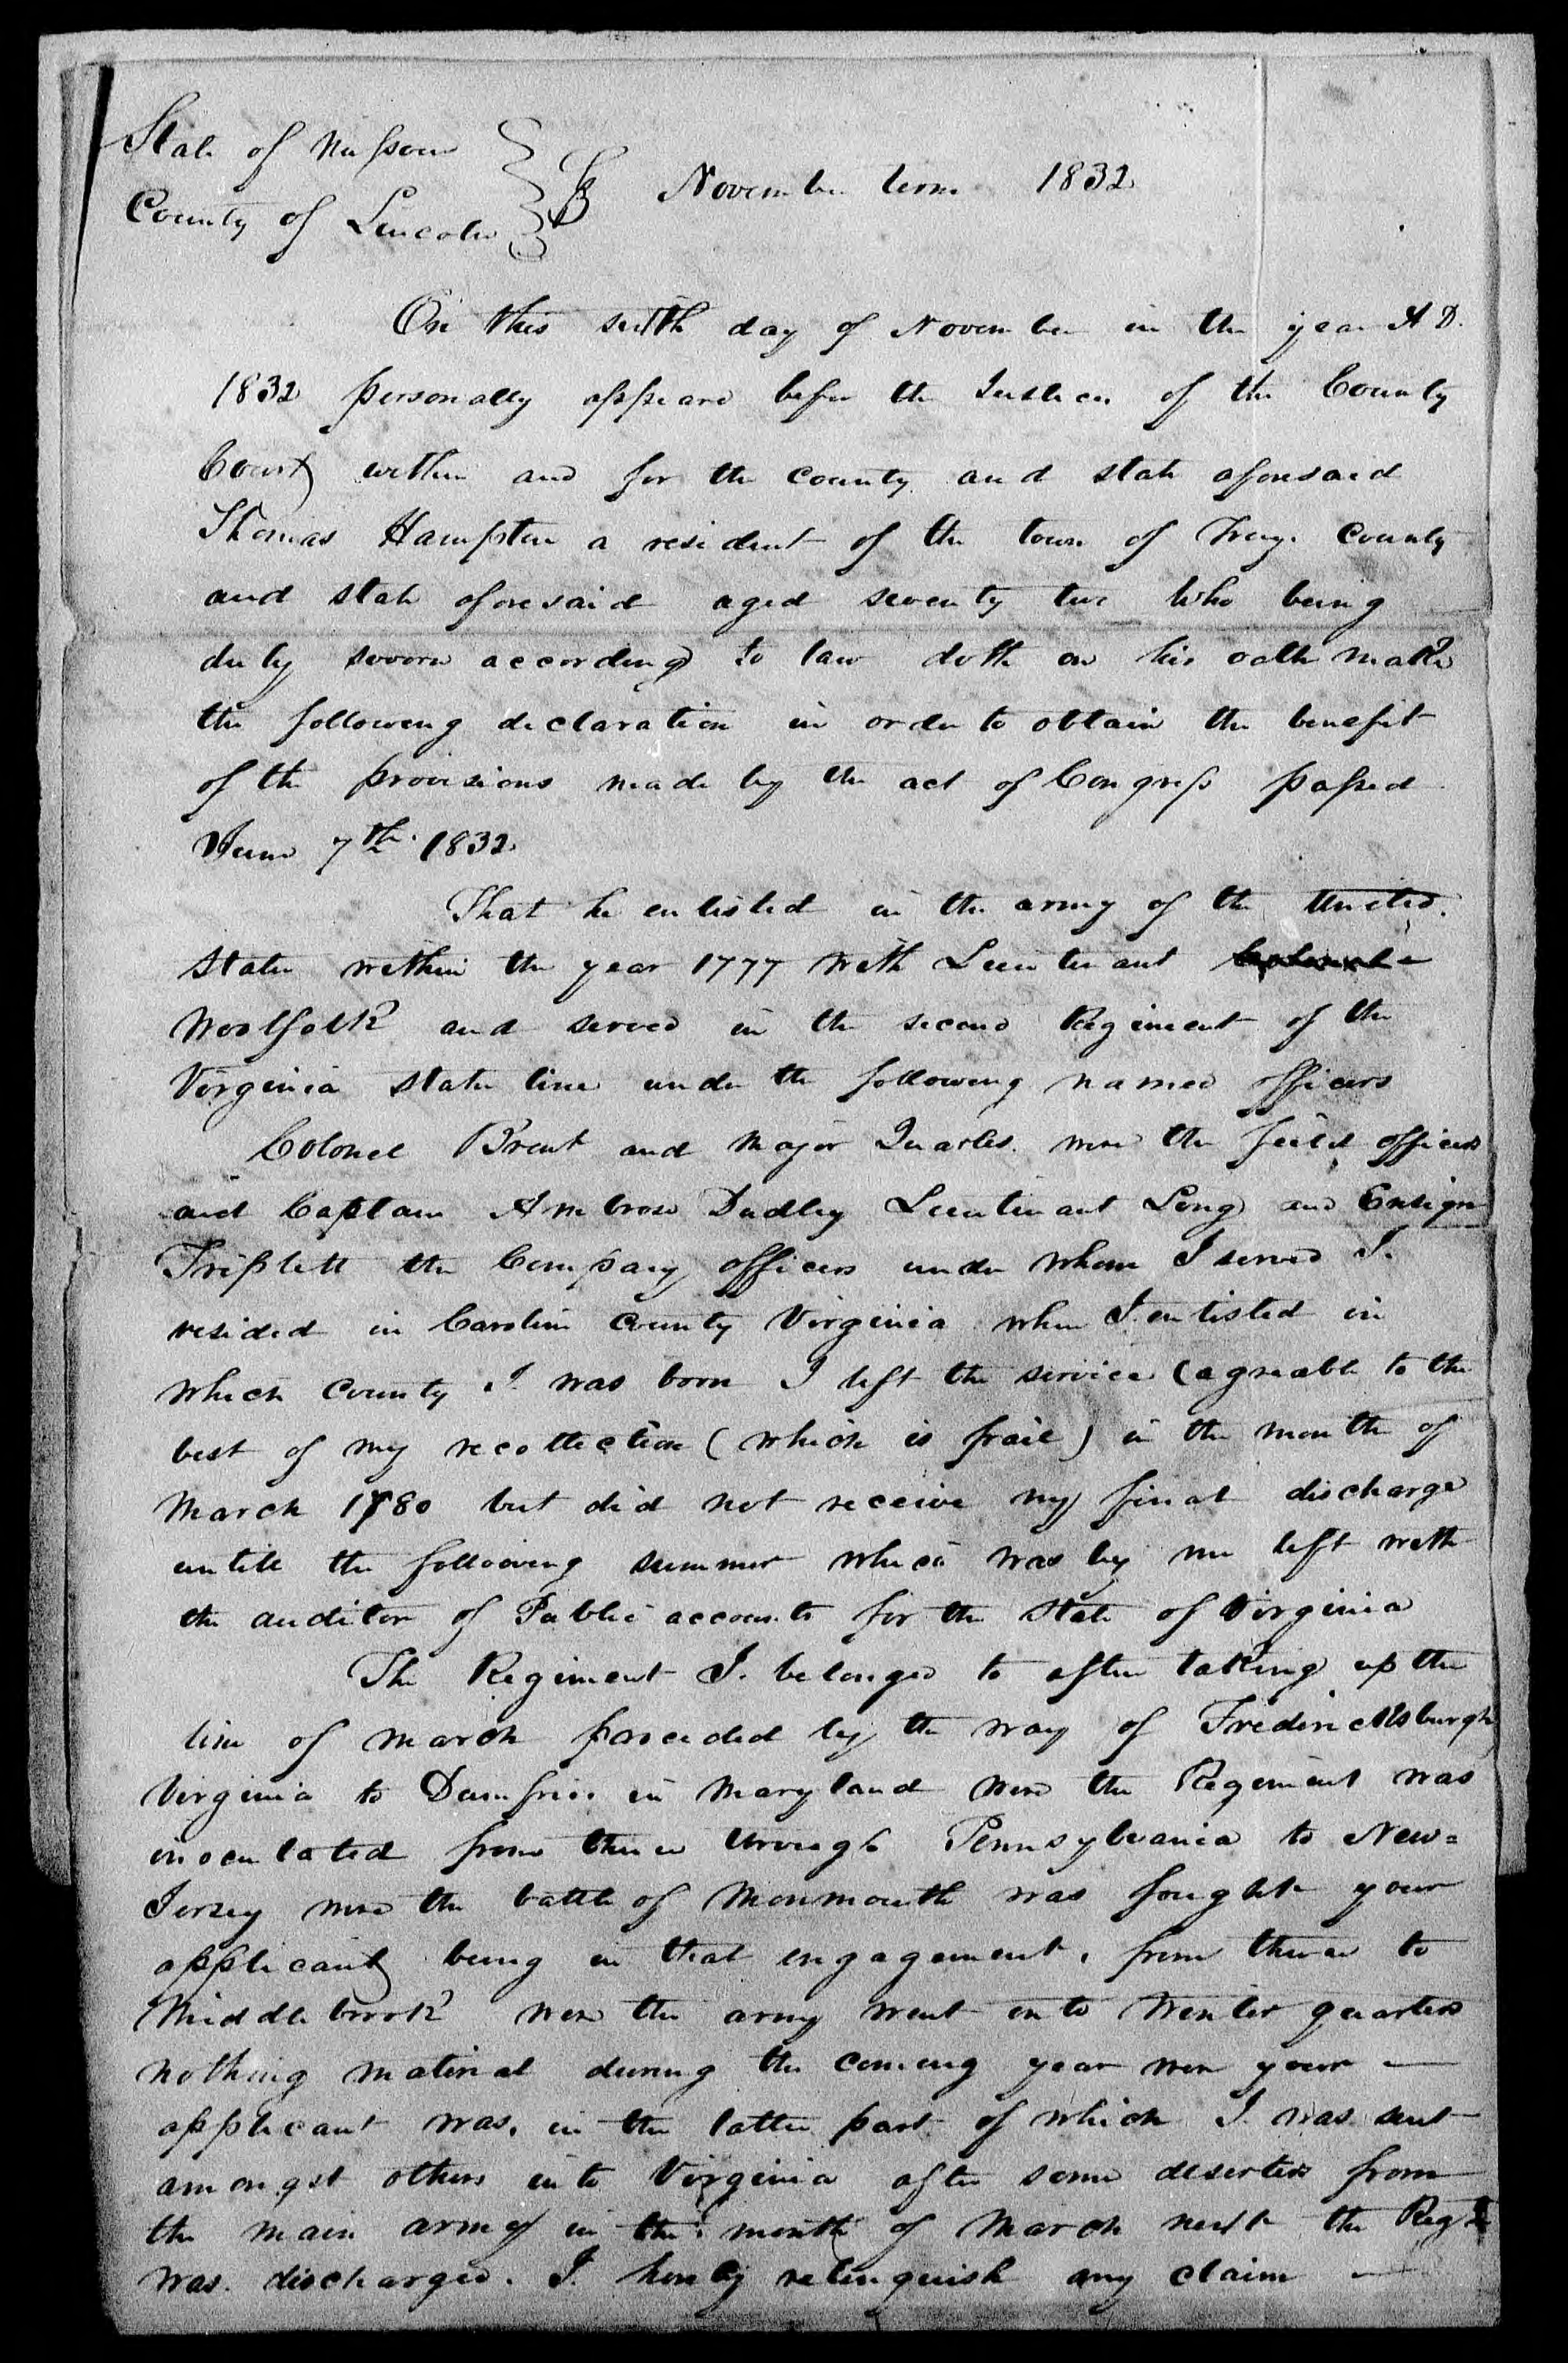State of Missouri
County of Lincoln SS November Term 1832
On this sixth day of November in the year AD 1832 personally appeared before the Justices of the County Court within and for the County and State aforesaid Thomas Hampton a resident of the town of Troy County and state aforesaid aged seventy two who being duly sworn according to law doth on his oath make the following declaration in order to obtain the benefit of the provisions made by the act of Congress passed June 7th 1832.
That he enlisted in the army of the United States within the year 1777 with Lieutenant Woolfolk and served in the second Regiment of the Virginia state line under the following named officers
Colonel Brent and Major Quarles were the field officers and Captain Ambrose Dudley Lieutenant Long and Ensign Triplett the Company officers under whom I served I resided in Caroline County Virginia when I enlisted in which county I was born I left the service (agreeable to the best of my recollection (which is frail) in the month of March 1780 but did not receive my final discharge untill the following summer which was by me left with the auditor of Public accounts for the State of Virginia
The Regiment I belonged to after taking up the line of march paraded by the way of Fredericksburgh, Virginia to Dumfries in Maryland where the Regiment was inocculated from thence through Pennsylvania to New Jersey where the battle of Monmouth was fought your applicant being in that engagement, from thence to Middlebrook where the army went on to Winter quarters nothing material during the coming year nor your applicant was, in the latter part of which I was sent amongst others into Virginia after some deserters from the main army in the month of March next the Regt was discharged. I hereby relinquish any claim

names: Thomas Hampton, Quarles, Brent, Ambrose Dudley, Triplett, Long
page: 3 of 26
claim: survivor's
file: S. 16842, Thomas Hampton, Va.